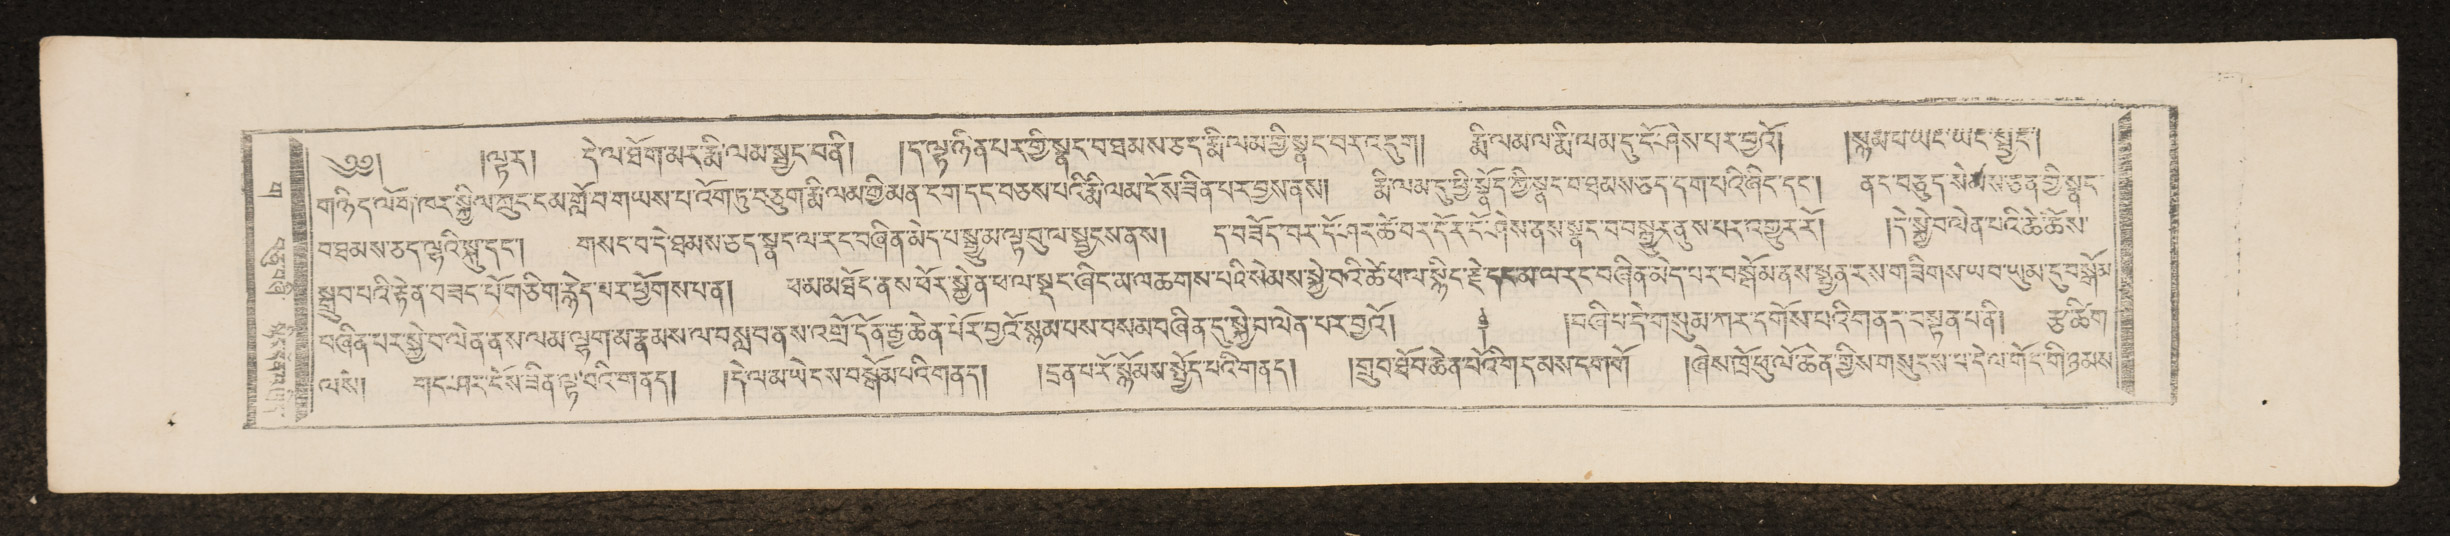༄༅། །ལྟར། དེ་ལ་ཐོག་མར་རྨི་ལམ་སྦྱང་བ་ནི། །ད་ལྟ་ཉིན་པར་གྱི་སྣང་བ་ཐམས་ཅད་རྨི་ལམ་གྱི་སྣང་བར་འདུག། རྨི་ལམ་རྨི་ལམ་དུ་ངོ་ཤེས་པར་བྱའོ། །སྙམ་པ་ཡང་ཡང་སྦྱང་།
གཉིད་ལོག་ཁར་སྐྱིལ་ཀྲུང་དམ་གློ་བ་གཡས་པ་འོག་ཏུ་བཅུག་རྨི་ལམ་གྱི་མན་ངག་དང་བཅས་པའི་རྨི་ལམ་ངོས་ཟིན་པར་བྱས་ནས། རྨི་ལམ་དུ་ཕྱི་སྣོད་ཀྱི་སྣང་བ་ཐམས་ཅད་དག་པའི་ཞིང་དང་། ནང་བཅུད་སེམས་ཅན་གྱི་སྣང་
བ་ཐམས་ཅད་ལྷའི་སྐུ་དང་། གསང་བ་དེ་ཐམས་ཅད་སྣང་ལ་རང་བཞིན་མེད་པ་སྒྱུ་མ་ལྟ་བུ་ལ་སྦྱངས་ནས། ད་གཟོད་བར་དོ་ཤར་ཚེ་བར་དོར་ངོ་ཤེས་ནས་སྣང་བ་བསྒྱུར་ནུས་པར་འགྱུར་རོ། །དེ་སྐྱེ་བ་ལེན་པའི་ཚེ་ཆོས་
སྒྲུབ་པའི་རྟེན་བཟང་པོ་གཅིག་རྙེད་པར་ཕྱོགས་པ་ན། ཕ་མ་མཐོང་ནས་ཕོར་སྐྱེ་ན་ཕ་ལ་སྡང་ཞིང་མ་ལ་ཆགས་པའི་སེམས་སྐྱེ་བའི་ཚེ་ཕ་ལ་སྙིང་རྗེ་དང་མ་ལ་རང་བཞིན་མེད་པར་བསྒོམ་ནས་སྤྱན་རས་གཟིགས་ཡབ་ཡུམ་དུ་བསྒོམ་
བཞིན་པར་སྐྱེ་བ་ལེན་ནས་ལམ་ལྷག་མ་རྣམས་ལ་བསླབ་ནས་འགྲོ་དོན་རྒྱ་ཆེན་པོར་བྱའོ་སྙམ་པས་བསམ་བཞིན་དུ་སྐྱེ་བ་ལེན་པར་བྱའོ། ༈ །བཞི་པ་དེ་གསུམ་ཀར་དགོས་པའི་གནད་བསྟན་པ་ནི། རྩ་ཚིག་
ལས། གང་ཤར་ངོས་ཟིན་ལྟ་བའི་གནད། །དེ་ལ་མ་ཡེངས་བསྒོམ་པའི་གནད། །དྲན་པ་རོ་སྙོམས་སྤྱོད་པའི་གནད། །གྲུབ་ཐོབ་ཆེན་པོའི་གདམས་དག་གོ །ཞེས་ཁྲོ་ཕུ་ལོ་ཆེན་གྱིས་གསུངས་པ་དེ་ལ་གོང་གི་ཉམས་